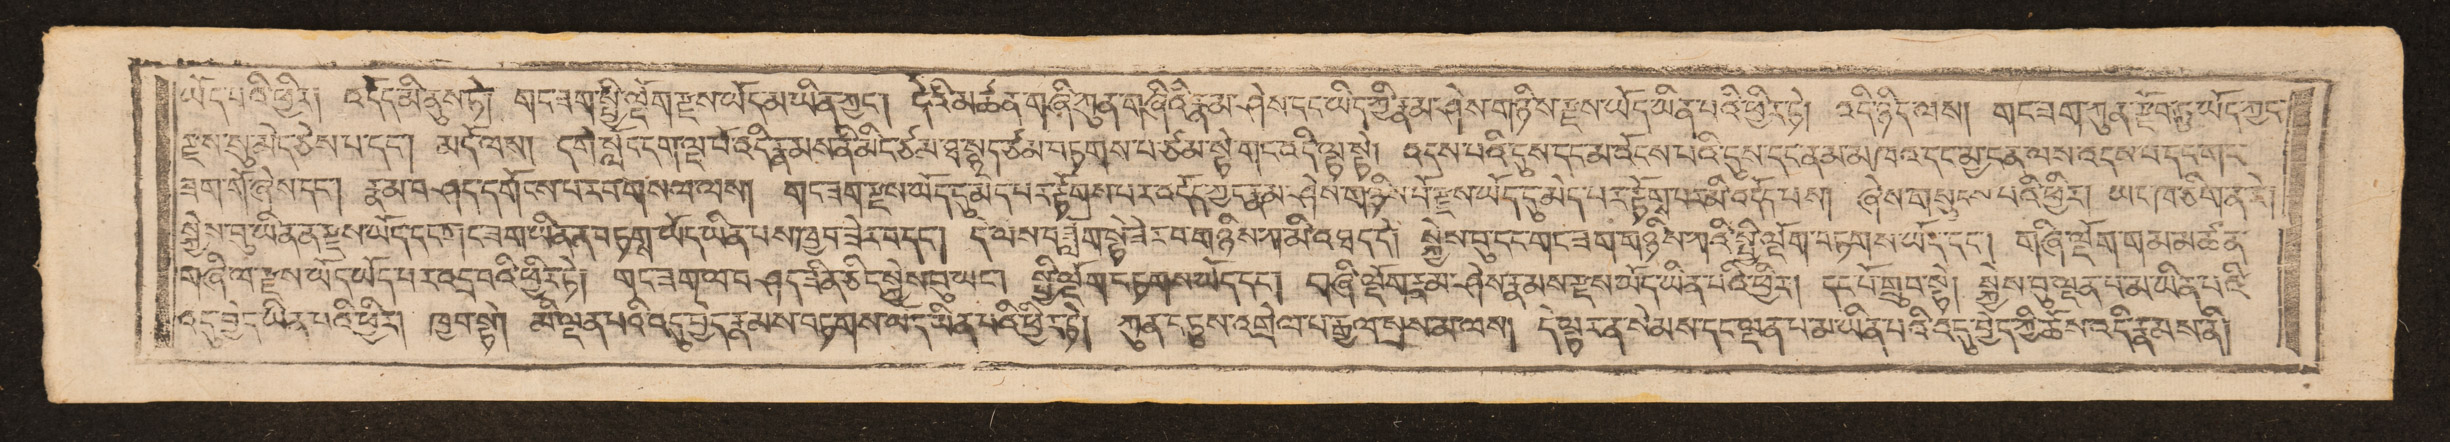ཡོད་པའི་ཕྱིར། འདོད་མི་ནུས་ཏེ། གང་ཟག་སྤྱི་ལྡོག་རྫས་ཡོད་མ་ཡིན་ཀྱང་། དེའི་མཚན་གཞི་ཀུན་གཞིའི་རྣམ་ཤེས་དང་ཡིད་ཀྱི་རྣམ་ཤེས་གཉིས་རྫས་ཡོད་ཡིན་པའི་ཕྱིར་ཏེ། འདི་ཉིད་ལས། གང་ཟག་ཀུན་རྫོབ་ཏུ་ཡོད་ཀྱང་
རྫས་སུ་མེད་ཅེས་པ་དང་། མདོ་ལས། དགེ་སློང་དག་ལྔ་པོ་འདི་རྣམས་ནི་མིང་ཙམ་ཐ་སྙད་ཙམ་བཏགས་པ་ཙམ་སྟེ་གང་འདི་ལྟ་སྟེ། འདས་པའི་དུས་དང་མ་འོངས་པའི་དུས་དང་ནམ་མཁའ་དང་མྱ་ངན་ལས་འདས་པ་དང་གང་
ཟག་གོ་ཞེས་དང་། རྣམ་བཤད་དགོངས་པ་རབ་གསལ་ལས། གང་ཟག་རྫས་ཡོད་དུ་མེད་པར་རྟོགས་པར་འདོད་ཀྱང་རྣམ་ཤེས་གཉིས་པོ་རྫས་ཡོད་དུ་མེད་པར་རྟོགས་པར་མི་འདོད་པས། ཞེས་གསུངས་པའི་ཕྱིར། ཡང་ཁ་ཅིག་ན་རེ།
སྐྱེས་བུ་ཡིན་ན་རྫས་ཡོད་དང་གང་ཟག་ཡིན་ན་བཏགས་ཡོད་ཡིན་པས་ཁྱབ་ཟེར་བ་དང་། དེ་ལས་བཟློག་སྟེ་ཟེར་བ་གཉིས་ཀ་མི་འཐད་དེ། སྐྱེས་བུ་དང་གང་ཟག་གཉིས་ཀའི་སྤྱི་ལྡོག་བཏགས་ཡོད་དང་། གཞི་ལྡོག་གམ་མཚན་
གཞི་ལ་རྫས་ཡོད་ཡོད་པར་འདྲ་བའི་ཕྱིར་ཏེ། གང་ཟག་ལ་བཤད་ཟིན་ཅིང་སྐྱེས་བུ་ཡང་། སྤྱི་ལྡོག་བཏགས་ཡོད་དང་། གཞི་ལྡོག་རྣམ་ཤེས་རྣམས་རྫས་ཡོད་ཡིན་པའི་ཕྱིར། དང་པོ་གྲུབ་སྟེ། སྐྱེས་བུ་ལྡན་པ་མ་ཡིན་པའི་
འདུ་བྱེད་ཡིན་པའི་ཕྱིར། ཁྱབ་སྟེ། མི་ལྡན་པའི་འདུ་བྱེད་རྣམས་བཏགས་ཡོད་ཡིན་པའི་ཕྱིར་ཏེ། ཀུན་བཏུས་འགྲེལ་བ་རྒྱལ་སྲས་མ་ལས། དེ་ལྟར་ན་སེམས་དང་ལྡན་པ་མ་ཡིན་པའི་འདུ་བྱེད་ཀྱི་ཆོས་འདི་རྣམས་ནི།